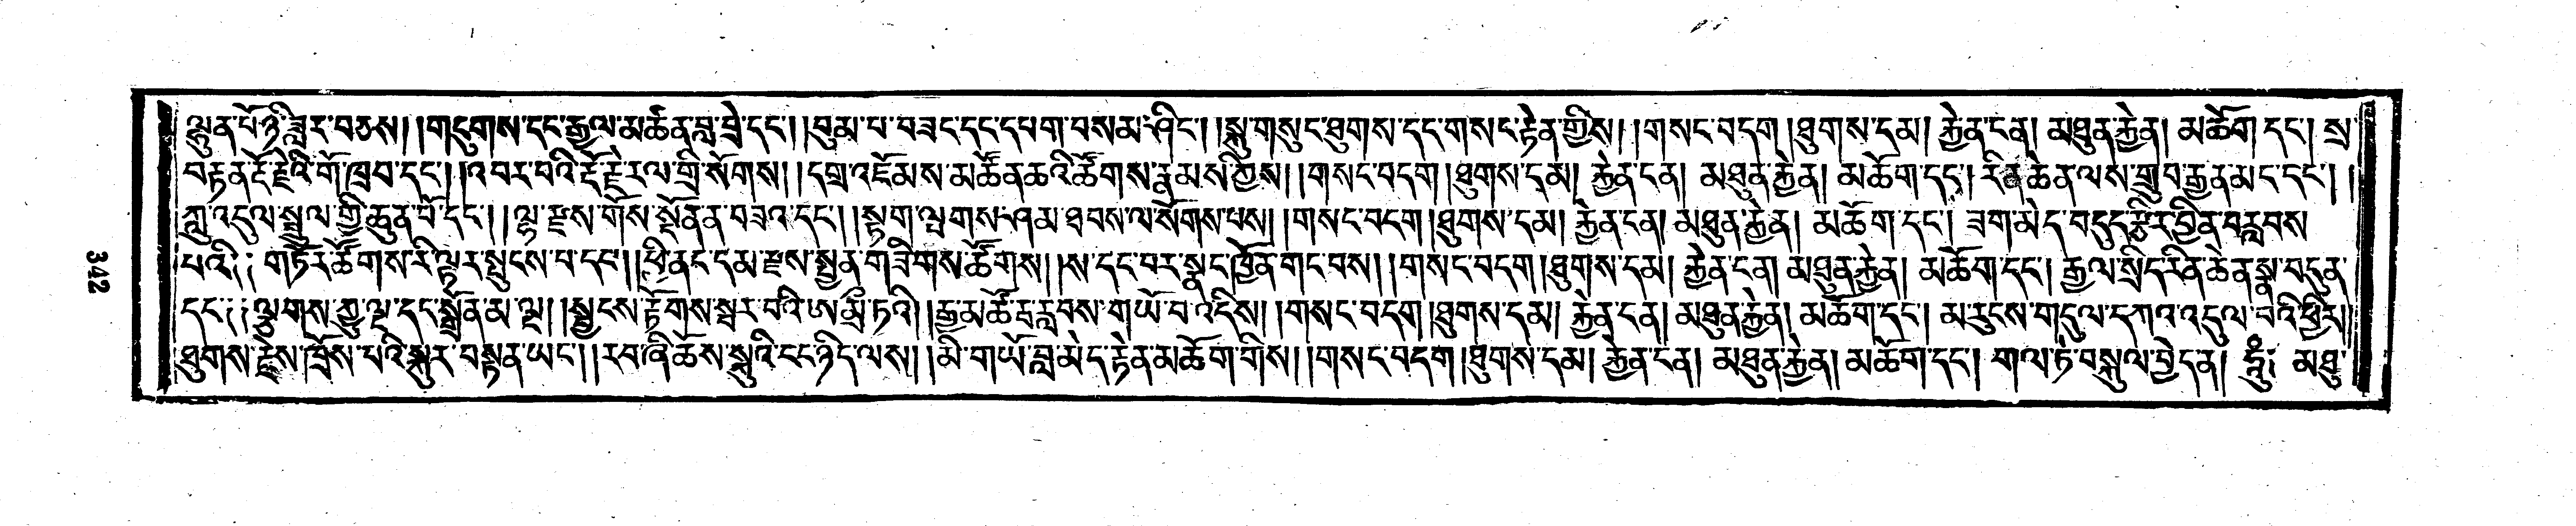ལྷུན་པོ་ཉི་ཟླར་བཅས། །གདུགས་དང་རྒྱལ་མཚན་བླ་བྲེ་དང་། །བུམ་པ་བཟང་དང་དཔག་བསམ་ཤིང་། །སྐུ་གསུང་ཐུགས་དང་གསང་རྟེན་གྱིས། །གསང་བདག །ཐུགས་དམ། རྐྱེན་ངན། མཐུན་རྐྱེན། མཆོག་དང་། སྲ་
བརྟན་རྡོ་རྗེའི་གོ་ཁྲབ་དང་། །འབར་བའི་རྡོ་རྗེ་རལ་གྲི་སོགས། །དགྲ་འཇོམས་མཚོན་ཆའི་ཚོགས་རྣམས་ཀྱིས། །གསང་བདག །ཐུགས་དམ། རྐྱེན་ངན། མཐུན་རྐྱེན། མཆོག་དང་། རིན་ཆེན་ལས་གྲུབ་རྒྱན་མང་དང།།
ཀླུ་འདུལ་སྦྲུལ་གྱི་ཆུན་པོ་དང་། །ལྷ་རྫས་གོས་སྔོན་ན་བཟའ་དང་། །སྟག་ལྤགས་ཤམ་ཐབས་ལ་སོགས་པས། །གསང་བདག །ཐུགས་དམ། རྐྱེན་ངན། མཐུན་རྐྱེན། མཆོག་དང་། ཟག་མེད་བདུད་རྩིར་བྱིན་བརླབས་
པའི། །གཏོར་ཚོགས་རི་ལྟར་སྤུངས་པ་དང་། །ཕྱི་ནང་དམ་རྫས་སྤྱན་གཟིགས་ཚོགས། །ས་དང་བར་སྣང་ཁྱོན་གང་བས། །གསང་བདག །ཐུགས་དམ། རྐྱེན་ངན། མཐུན་རྐྱེན། མཆོག་དང་། རྒྱལ་སྲིད་རིན་ཆེན་སྣ་བདུན་
དང་། །ལྕགས་ཀྱུ་ལྔ་དང་སྒྲོན་མ་ལྔ། །སྦྱངས་རྟོགས་སྦར་བའི་ཨ་མྲྀ་ཏའི། །རྒྱ་མཚོ་རྦ་རླབས་གཡོ་བ་འདིས། །གསང་བདག །ཐུགས་དམ། རྐྱེན་ངན། མཐུན་རྐྱེན། མཆོག་དང་། མ་རུངས་གདུལ་དཀའ་འདུལ་བའི་ཕྱིར།།
ཐུགས་རྗེས་ཁྲོས་པའི་སྐུར་བསྟན་ཡང་། །རབ་ཞི་ཆོས་སྐུའི་ངང་ཉིད་ལས། །མི་གཡོ་བླ་མེད་རྟེན་མཆོག་གིས། །གསང་བདག །ཐུགས་དམ། རྐྱེན་ངན། མཐུན་རྐྱེན། མཆོག་དང་། གལ་ཏེ་བསྐུལ་བྱེད་ན། ཧཱུཾ། མཐུ་